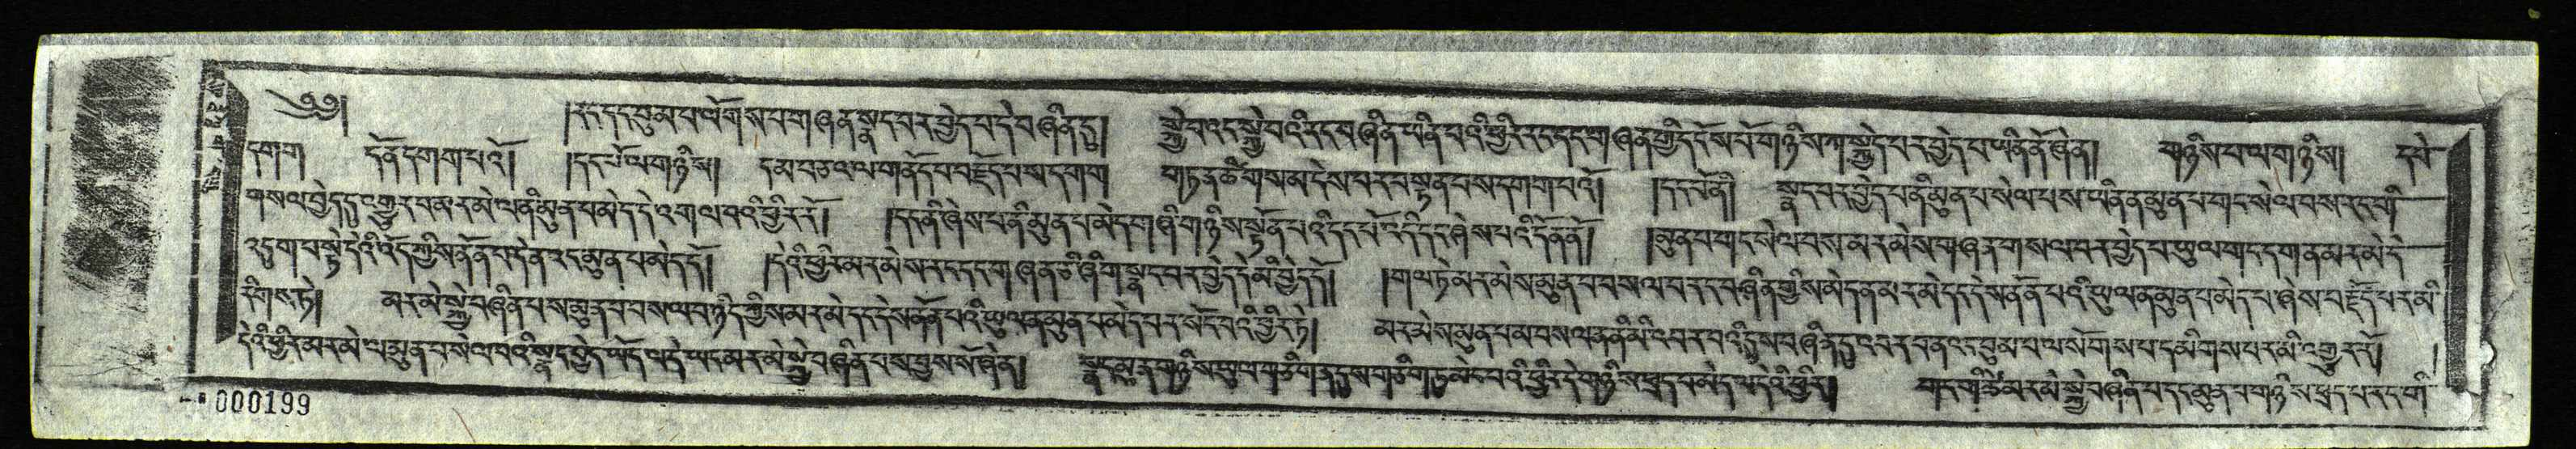༄༅། །རང་དང་བུམ་པ་ལོགས་པ་གཞན་སྣང་བར་བྱེད་པ་དེ་བཞིན་དུ། སྐྱེ་བའང་སྐྱེ་བའི་རང་བཞིན་ཡིན་པའི་ཕྱིར་རང་དང་གཞན་གྱི་དངོས་པོ་གཉིས་ཀ་སྐྱེད་པར་བྱེད་པ་ཡིན་ནོ་ཞེ་ན། གཉིས་པ་ལ་གཉིས། དཔེ་
དགག་དོན་དགག་པའོ། །དང་པོ་ལ་གཉིས། དམ་བཅའ་ལ་གནོད་པ་བརྗོད་པས་དགག་གཏན་ཚིགས་མ་ངེས་པར་བསྟན་པས་དགག་པའོ། །དང་པོ་ནི། སྣང་བར་བྱེད་པ་ནི་མུན་པ་སེལ་པས་ཡིན་ན་མུན་པ་གང་སེལ་བས་རང་གི་
གསལ་བྱེད་དུ་འགྱུར་བ་མར་མེ་ལ་ནི་མུན་པ་མེད་དེ་འགལ་བའི་ཕྱིར་རོ། །དང་ནི་ཞེས་པ་ནི་མུན་པ་མེད་གཞི་གཉིས་སྟོན་པའི་དང་པོ་འདི་དང་ཞེས་པའི་དོན་ནོ། །མུན་པ་གང་སེལ་བས་མར་མེས་གཞན་གསལ་བར་བྱེད་པ་ཡུལ་གང་དག་ན་མར་མེ་དེ་
འདུག་པ་སྟེ་དེའི་འོད་ཀྱིས་ནོན་བ་དེ་ནའང་མུན་པ་མེད་དོ། །དེའི་ཕྱིར་མར་མེས་རང་དང་གཞན་ཅི་ཞིག་སྣང་བར་བྱེད་དེ་མི་བྱེད་དོ། །གལ་ཏེ་མར་མེས་མུན་པ་བསལ་བ་རང་བཞིན་གྱིས་མེད་ན་མར་མེ་དང་དེས་ནོན་པའི་ཡུལ་ན་མུན་པ་མེད་པ་ཞེས་བརྗོད་པར་མི་
རིགས་ཏེ། མར་མེ་སྐྱེ་བཞིན་པས་མུན་པ་བསལ་བ་ཉིད་ཀྱིས་མར་མེ་དང་དེས་ནོན་པའི་ཡུལ་ན་མུན་པ་མེད་པར་སོང་བའི་ཕྱིར་ཏེ། མར་མེས་མུན་པ་མ་བསལ་ན་ནི་མི་འབར་བའི་དུས་བཞིན་དུ་འབར་བ་ནའང་བུམ་པ་ལ་སོགས་པ་དམིགས་པར་མི་འགྱུར་རོ། །
དེའི་ཕྱིར་མར་མེ་ལ་མུན་པ་སེལ་བའི་སྣང་བྱེད་ཡོད་ལ་དེ་ཡང་མར་མེ་སྐྱེ་བཞིན་པས་བྱས་སོ་ཞེ་ན། སྣང་མུན་གཉིས་ཡུལ་གཅིག་ན་དུས་གཅིག་ཏུ་མེད་པའི་ཕྱིར་དེ་གཉིས་ཕྲད་པ་མེད་ལ་དེའི་ཕྱིར། གང་གི་ཚེ་མར་མེ་སྐྱེ་བཞིན་པ་དང་མུན་པ་གཉིས་ཕྲད་པ་རང་གི་